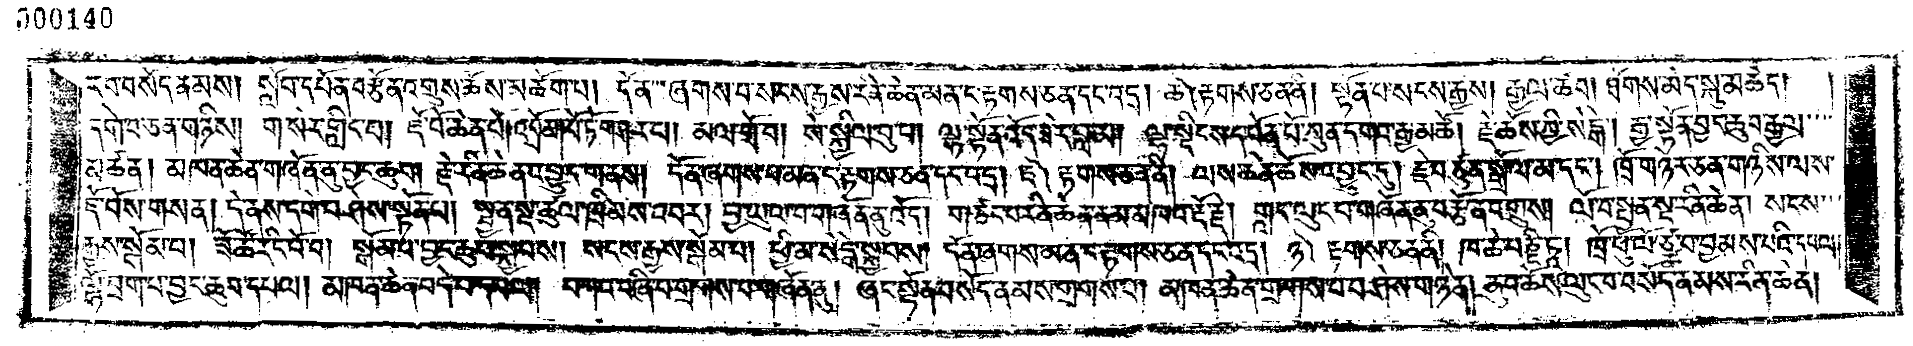རབ་བསོད་ནམས། སློབ་དཔོན་བརྩོན་འགྲུས་ཆོས་མཆོག་པ། དོན་ཞགས་པ་སངས་རྒྱས་རིན་ཆེན་མན་ང་རྟགས་ཅན་དང་འདྲ། ༼ཆ༽ རྟགས་ཅན་ནི། སྟོན་པ་སངས་རྒྱས། རྒྱལ་ཚབ། ཐོགས་མེད་སྐུ་མཆེད། །
དགེ་བ་ཅན་གཉིས། གསེར་གླིང་བ། ཇོ་བོ་ཆེན་པོ། འབྲོམ། པོ་ཏོ་གཤར་པ། མལ་གྲོ་བ། སེ་སྐྱིལ་བུ་པ། ལྷ་སྟོན་འོད་ཟེར་བླ་མ། ལྷ་སྡིངས་དཔོན་པོ་ཀུན་དགའ་རྒྱ་མཚོ། རྗེ་ཆོས་ཀྱི་སེངྒེ། རྒྱ་སྟོན་བྱང་ཆུབ་རྒྱལ་
མཚན། མཁན་ཆེན་གཞོན་ནུ་བྱང་ཆུབ། རྗེ་རིན་ཆེན་འབྱུང་གནས། དོན་ཞགས་པ་མན་ང་རྟགས་ཅན་དང་འདྲ། ༼ཇ༽ རྟགས་ཅན་ནི། ལས་ཆེན་ཆོས་འབྱུང་དུ། རྗེ་བཙུན་སྒྲོལ་མ་དང་། ཁྲོ་གཉེར་ཅན་གཉིས་ལས་
ཇོ་བོས་གསན། དེ་ནས་དགེ་བཤེས་སྟོན་པ། སྤྱན་སྔ་ཚུལ་ཁྲིམས་འབར། བྱ་ཡུལ་པ་གཞོན་ནུ་འོད། གཙང་པ་རིན་ཆེན་ནམ་མཁའ་རྡོ་རྗེ། གླང་ལུང་བ་གཞོན་ནུ་བརྩོན་འགྲུས། ལོ་བ་སྤྱན་སྔ་རིན་ཆེན། སངས་
རྒྱས་སྒོམ་པ། ཟོ་ཚོ་རིང་བོ་བ། སྒོམ་པ་བྱང་ཆུབ་སྐྱབས། སངས་རྒྱས་སྒོམ་པ། ཕྱི་མ་སེངྒེ་སྐྱབས། དོན་ཞགས་མན་ང་རྟགས་ཅན་དང་འདྲ། ༼ཉ༽ རྟགས་ཅན་ནི། ཁ་ཆེ་པཎྜི་ཏཱ། ཁྲོ་ཕུ་ལོ་ཙྪ་བ་བྱམས་པའི་དཔལ།
ལྷོ་བྲག་པ་བྱང་ཆུབ་དཔལ། མཁན་ཆེན་བདེ་བ་དཔལ། བཀའ་བཞི་པ་གྲགས་པ་གཞོན་ནུ། ཞང་སྟོན་བསོད་ནམས་གྲགས་པ། མཁན་ཆེན་གྲགས་པ་བཤེས་གཉེན། ནུབ་ཆོས་ལུང་བ་བསོད་ནམས་རིན་ཆེན།